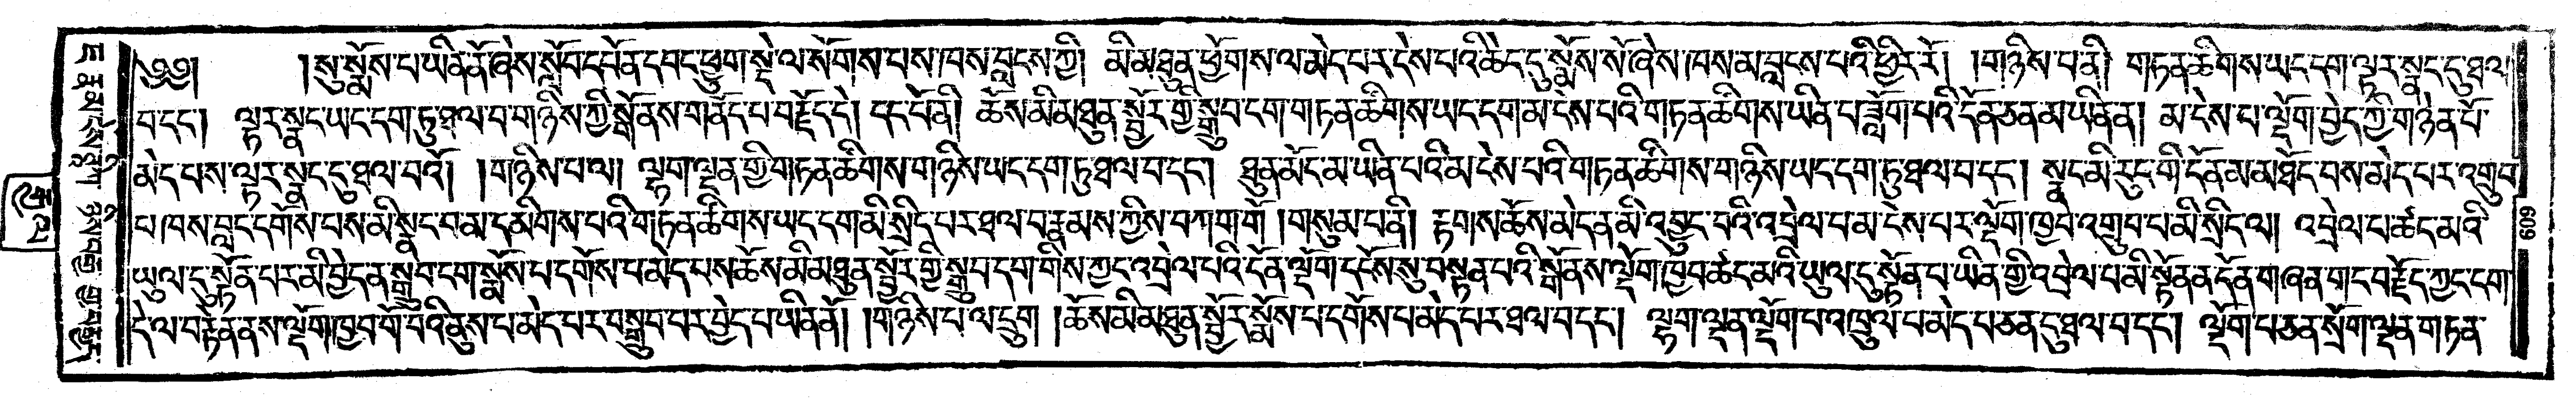༄༅། །སུ་སྨོས་པ་ཡིན་ནོ་ཞེས་སློབ་དཔོན་དབང་ཕྱུག་སྡེ་ལ་སོགས་པས་ཁས་བླངས་ཀྱི། མི་མཐུན་ཕྱོགས་ལ་མེད་པར་ངེས་པའི་ཆེད་དུ་སྨོས་སོ་ཞེས་ཁས་མ་བླངས་པའི་ཕྱིར་རོ། །གཉིས་པ་ནི། གཏན་ཚིགས་ཡང་དག་ལྟར་སྣང་དུ་ཐལ་
བ་དང་། ལྟར་སྣང་ཡང་དག་ཏུ་ཐལ་བ་གཉིས་ཀྱི་སྒོ་ནས་གནོད་པ་བརྗོད་དེ། དང་པོ་ནི། ཆོས་མི་མཐུན་སྦྱོར་གྱི་སྒྲུབ་ངག་གཏན་ཚིགས་ཡང་དག་མ་ངེས་པའི་གཏན་ཚིགས་ཡིན་པ་ཟློག་པའི་དོན་ཅན་མ་ཡིན་ན། མ་ངེས་པ་ལྡོག་པ་བྱེད་ཀྱི་གཉེན་པོ་
མེད་པས་ལྟར་སྣང་དུ་ཐལ་བའོ། །གཉིས་པ་ལ། ལྷག་ལྡན་གྱི་གཏན་ཚིགས་གཉིས་ཡང་དག་ཏུ་ཐལ་བ་དང་། ཐུན་མོང་མ་ཡིན་པའི་མ་ངེས་པའི་གཏན་ཚིགས་གཉིས་ཡང་དག་ཏུ་ཐལ་བ་དང་། སྣང་མི་རུང་གི་དོན་མ་མཐོང་བས་མེད་པར་འགྲུབ་
པ་ཁས་བླང་དགོས་པས་མི་སྣང་བ་མ་དམིགས་པའི་གཏན་ཚིགས་ཡང་དག་མི་སྲིད་པར་ཐལ་བ་རྣམས་ཀྱིས་བཀག་གོ །གསུམ་པ་ནི། རྟགས་ཆོས་མེད་ན་མི་འབྱུང་བའི་འབྲེལ་པ་མ་ངེས་པར་ལྡོག་ཁྱབ་འགྲུབ་པ་མི་སྲིད་ལ། འབྲེལ་པ་ཚད་མའི་
ཡུལ་དུ་སྟོན་པར་མི་བྱེད་ན་སྒྲུབ་ངག་སྨོས་པ་དགོས་པ་མེད་པས་ཆོས་མི་མཐུན་སྦྱོར་གྱི་སྒྲུབ་ངག་གིས་ཀྱང་འབྲེལ་པའི་དོན་ལྡོག་དངོས་སུ་བསྟན་པའི་སྒོ་ནས་ལྡོག་ཁྱབ་ཚང་མའི་ཡུལ་དུ་སྟོན་པ་ཡིན་གྱི་འབྲེལ་པ་མི་སྟོན་ན་དོན་གཞན་གང་བརྗོད་ཀྱང་དག་
དེ་ལ་བརྟེན་ནས་ལྡོག་ཁྱབ་གོ་བའི་ནུས་པ་མེད་པར་བསྒྲུབ་པར་བྱེད་པ་ཡིན་ནོ། །གཉིས་པ་ལ་དྲུག །ཆོས་མི་མཐུན་སྦྱོར་སྨོས་པ་དགོས་པ་མེད་པར་ཐལ་བ་དང་། ལྷག་ལྡན་ལྡོག་པ་འཁྲུལ་པ་མེད་པ་ཅན་དུ་ཐལ་བ་དང་། ལྡོག་པ་ཅན་སྲོག་ལྡན་གཏན་